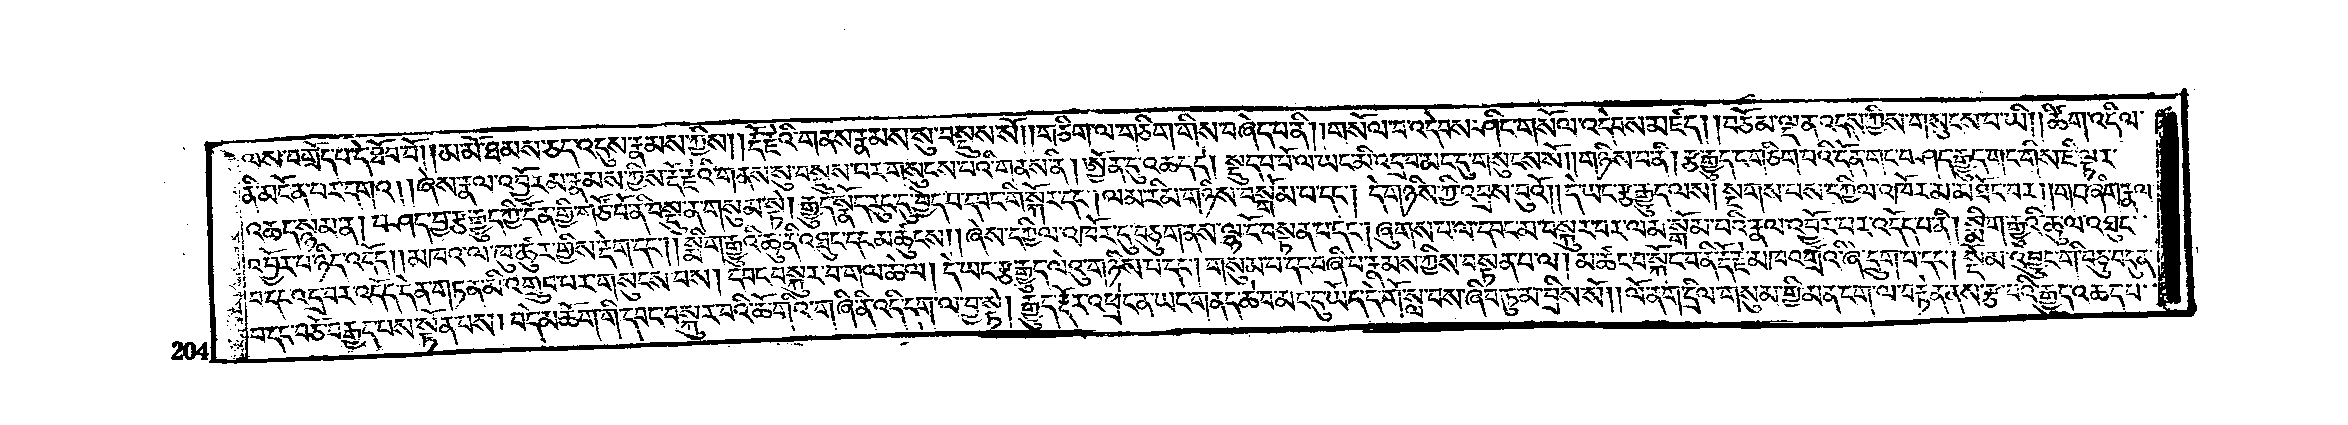ལས་བགྲོད་པ་དེ་ཐོབ་བོ། །མ་མོ་ཐམས་ཅད་འདུས་རྣམས་ཀྱིས། །རྡོ་རྗེའི་གནས་རྣམས་སུ་བསྡུས་སོ། །གཅིག་ལ་གཅིག་གིས་བཞེད་པ་ནི། །གསོལ་བ་འདེབས་ཤིང་གསོལ་འདེབས་མཛད། །བཅོམ་ལྡན་འདས་ཀྱིས་གསུངས་པ་ཡི། །ཚིག་འདི་ལ་
ནི་མངོན་པར་དགའ། །ཞེས་རྣལ་འབྱོར་མ་རྣམས་ཀྱིས་རྡོ་རྗེའི་གནས་སུ་བསྡུས་པར་གསུངས་པའི་གནས་ནི། ཨཡོན་དུ་འཆད་དེ། སྡུད་པ་པོ་ལ་ཡང་མི་འདྲ་བ་མང་དུ་གསུངས་སོ། །གཉིས་པ་ནི། རྩ་རྒྱུད་ང་གཅིག་པའི་དོན་གང་བཤད་རྒྱུད་གང་གིས་ཇི་ལྟར་
འཆད་སྙམ་ན། བཤད་བྱ་རྩ་རྒྱུད་ཀྱི་དོན་གྱི་གཙོ་བོ་ནི་བསྡུ་ན་གསུམ་སྟེ། རྒྱུད་སྣོད་རུང་དུ་བྱེད་པ་དབང་གི་སྐོར་དང་། ལམ་རིམ་གཉིས་བསྒོམ་པ་དང་། དེ་གཉིས་ཀྱི་འབྲས་བུའོ། །དེ་ཡང་རྩ་རྒྱུད་ལས། སྔགས་པས་དཀྱིལ་འཁོར་མ་མཐོང་བར། །གང་ཞིག་རྣལ་
འབྱོར་པ་ཉིད་འདོད། །མཁའ་ལ་ཁུ་ཚུར་གྱིས་རྡེག་དང་། །སྨིག་རྒྱུའི་ཆུ་ནི་འཐུང་དང་མཚུངས། །ཞེས་དཀྱིལ་འཁོར་དུ་བཅུག་ནས་ལྷ་ངོ་བསྟན་པ་དང་། ཞུགས་པ་ལ་དབང་མ་བསྐུར་བར་ལམ་སྒོམ་པའི་རྣལ་འབྱོར་པར་འདོད་པ་ནི། སྨིག་རྒྱུའི་ཆུ་ལ་འཐུང་
བ་དང་འདྲ་བར་འདོད་དོན་གཏན་མི་འགྲུབ་པར་གསུངས་པས། དབང་བསྐུར་བ་གལ་ཆེ་ལ། དེ་ཡང་རྩ་རྒྱུད་ལེའུ་གཉིས་པ་དང་། གསུམ་པ་དང་བཞི་པ་རྣམས་ཀྱིས་བསྟན་པ་ལ། མ་ཚང་བ་སྐོང་བ་ནི་རྡོ་རྗེ་མཁའ་འགྲོའི་ཞེ་དྲུག་པ་དང་། སྡོམ་འབྱུང་གི་བཅུ་བདུན་
པ་དང་བཅོ་བརྒྱད་པས་སྟོན་པས། བདེ་མཆོག་གི་དབང་བསྐུར་བའི་ཆོ་གའི་གཞི་ནི་འདི་དག་ལ་བྱ་སྟེ། རྒྱུད་རྡོར་འཕྲེང་ན་ཡང་གནད་ཆེ་བ་མང་དུ་ཡོད་དེ་གོ་སླ་བས་ཞིབ་ཏུ་མ་བྲིས་སོ། །ལོ་ནག་དྲིལ་གསུམ་གྱི་མན་ངག་ལ་བརྟེན་ནས་རྩ་བའི་རྒྱུད་འཆད་པ་